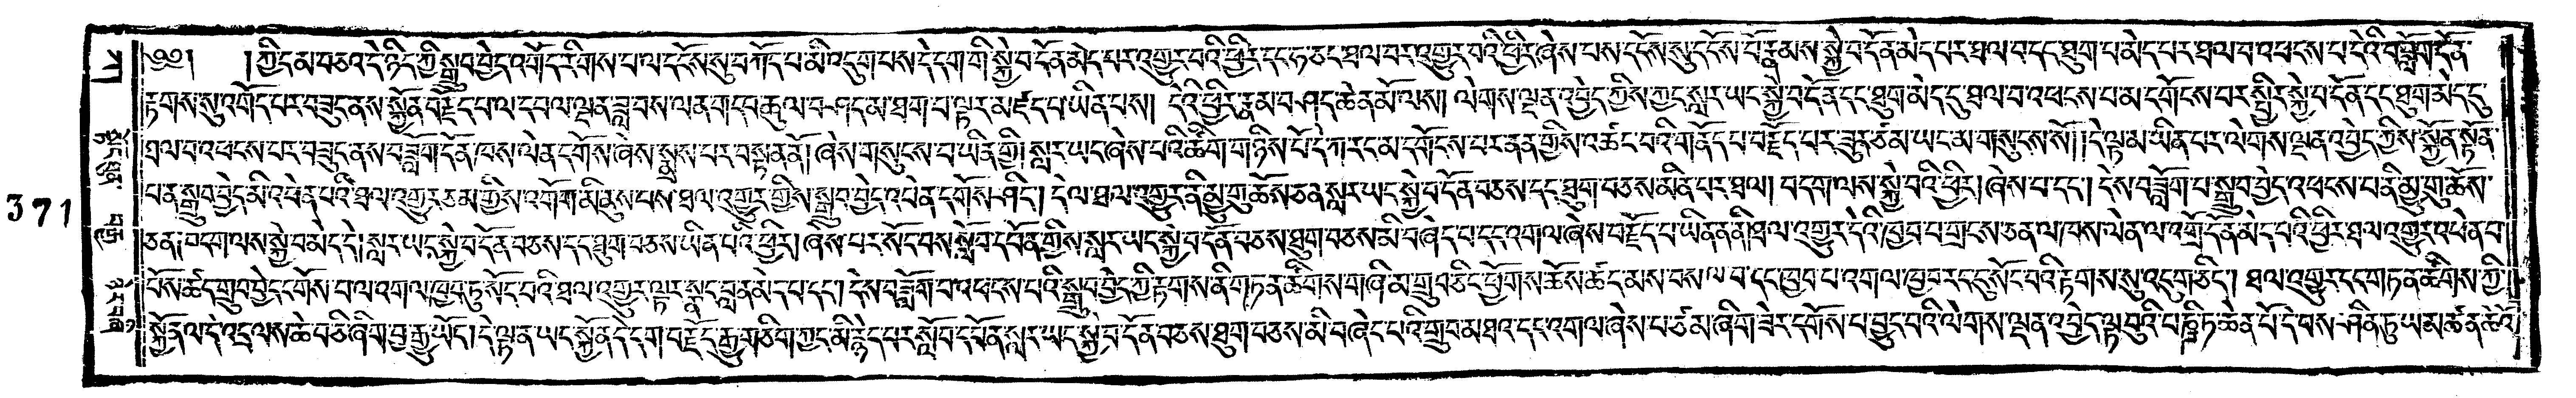༄༅། །ཀྱི་དམ་བཅའ་དེ་ཉིད་ཀྱི་སྒྲུབ་བྱེད་འགོད་རིགས་པ་ལ་དངོས་སུ་བཀོད་པ་མི་འདུག་པས་དེ་དག་གི་སྐྱེ་བ་དོན་མེད་པར་འགྱུར་བའི་ཕྱིར་དང་ཧ་ཅང་ཐལ་བར་འགྱུར་བའི་ཕྱིར་ཞེས་པས་དངོས་སུ་དངོས་པོ་རྣམས་སྐྱེ་བ་དོན་མེད་པར་ཐལ་བ་དང་ཐུག་པ་མེད་པར་ཐལ་བ་འཕངས་པ་དེའི་བཟློག་དོན་
རྟགས་སུ་འགོད་པར་བཟུང་ནས་སྐྱོན་བརྗོད་པ་ལ་དཔལ་ལྡན་ཟླ་བས་ལན་གདབ་ཆུལ་བཤད་མ་ཐག་པ་ལྟར་མཛད་པ་ཡིན་པས། དེའི་ཕྱིར་རྣམ་བཤད་ཚན་མོ་ལས། ལེགས་ལྡན་འབྱེད་ཀྱིས་ཀྱང་སླར་ཡང་སྐྱེ་བ་དོན་དང་ཐུག་མེད་དུ་ཐལ་བ་འཕངས་པ་མ་དགོངས་བར་སྤྱིར་སྐྱེ་བ་དོན་དང་ཐུག་མེད་དུ་
ཐལ་བ་འཕངས་པར་བཟུང་ནས་བཟློག་དོན་ཁས་ལེན་དགོས་ཞེས་སྨྲས་པར་བསྟན་ནོ། ཞེས་གསུངས་པ་ཡིན་གྱི། སླར་ཡང་ཞེས་པའི་ཚིག་གཉིས་པོ་དེ་ཀ་རང་མ་དགོངས་པར་ནན་གྱིས་འཚང་བའི་གནོད་པ་བརྗོད་པར་ཟུར་ཙམ་ཡང་མ་གསུངས་སོ། །དེ་ལྟ་མ་ཡིན་པར་ལེགས་ལྡན་འབྱེད་ཀྱིས་སྐྱོན་སྟོན་
པན་སྒྲུབ་བྱེད་མི་འཕེན་པའི་ཐལ་འགྱུར་ཅམ་གྱིས་འགོག་མི་ནུས་པས་ཐལ་འགྱུར་གྱིས་སྒྲུབ་བྱེད་འཕེན་དགོས་ཤིང་། དེ་ལ་ཐལ་འགྱུར་ནི་མྱུ་གུ་ཆོས་ཅན་སླར་ཡང་སྐྱེ་བ་དོན་བཅས་དང་ཐུག་བཅས་མིན་པར་ཐལ། བདག་ལས་སྐྱེ་བའི་ཕྱིར། ཞེས་པ་དང་། དེས་བཟློག་པ་སྒྲུབ་བྱེད་འཕངས་པ་ནི་མྱུ་གུ་ཆོས་
ཅན༑ བདག་ལས་སྐྱེ་བ་མེད་དེ། སླར་ཡང་སྐྱེ་བ་དོན་བཅས་དང་ཐུག་བཅས་ཡིན་པའི་ཕྱིར། ཞེས་པར་སོང་བས་སློབ་དཔོན་གྱིས་སླར་ཡང་སྐྱེ་བ་དོན་བཅས་ཐུག་བཅས་མི་བཞེད་པ་དང་འགལ་ཞེས་བརྗོད་པ་ཡིན་ན་ནི། ཐལ་འགྱུར་དེའི་ཁྱབ་བ་གྲངས་ཅན་ལ་ཁས་ལེན་ལ་འགྲོ་དོན་མེད་བའི་ཕྱིར་ཐེལ་འགྱུར་འཕེན་བ་
པོས་ཚད་གྲུབ་བྱེད་དགོས་པ་ལ་འགལ་ཁྱབ་ཏུ་སོང་བའི་ཐལ་འགྱུར་ལྟར་སྣང་བླ་ན་མེད་པ་དང་། དེས་བཟློག་པ་འཕངས་པའི་སྒྲུབ་བྱེད་ཀྱི་རྟགས་ནི་གཏན་ཚིགས་གཞི་མ་གྲུབ་ཅིང་ཕྱོགས་ཆོས་ཚད་མས་བསལ་བ་དང་ཁྱབ་པ་འགལ་ཁྱབ་རང་དུ་སོང་བའི་རྟགས་སུ་འདུག་ཅིང་། ཐལ་འགྱུར་དང་གཏན་ཚིགས་ཀྱི་
སྐྱོན་ལ་དེ་འདྲ་ལས་ཆེ་བ་ཅི་ཞིག་བྱ་རྒྱུ་ཡོད། དེ་ལྟ་ན་ཡང་སྐྱོན་དེ་དག་བརྗོད་རྒྱུ་གཅིག་ཀྱང་མི་རྙེད་པར་སློབ་དཔོན་སླར་ཡང་སྐྱེ་བ་དོན་བཅས་ཐུག་བཅས་མི་བཞེད་པའི་གྲུབ་མཐའ་དང་འགལ་ཞེས་པ་ཙམ་ཞིག་ཟེར་དགོས་པ་བྱུང་བའི་ལེགས་ལྡན་འབྱེད་ལྟ་བུའི་པཎྜི་ཏ་ཆེན་པོ་དེ་བས་ཤིན་ཏུ་ཡམ་ཚན་ཆེའོ་